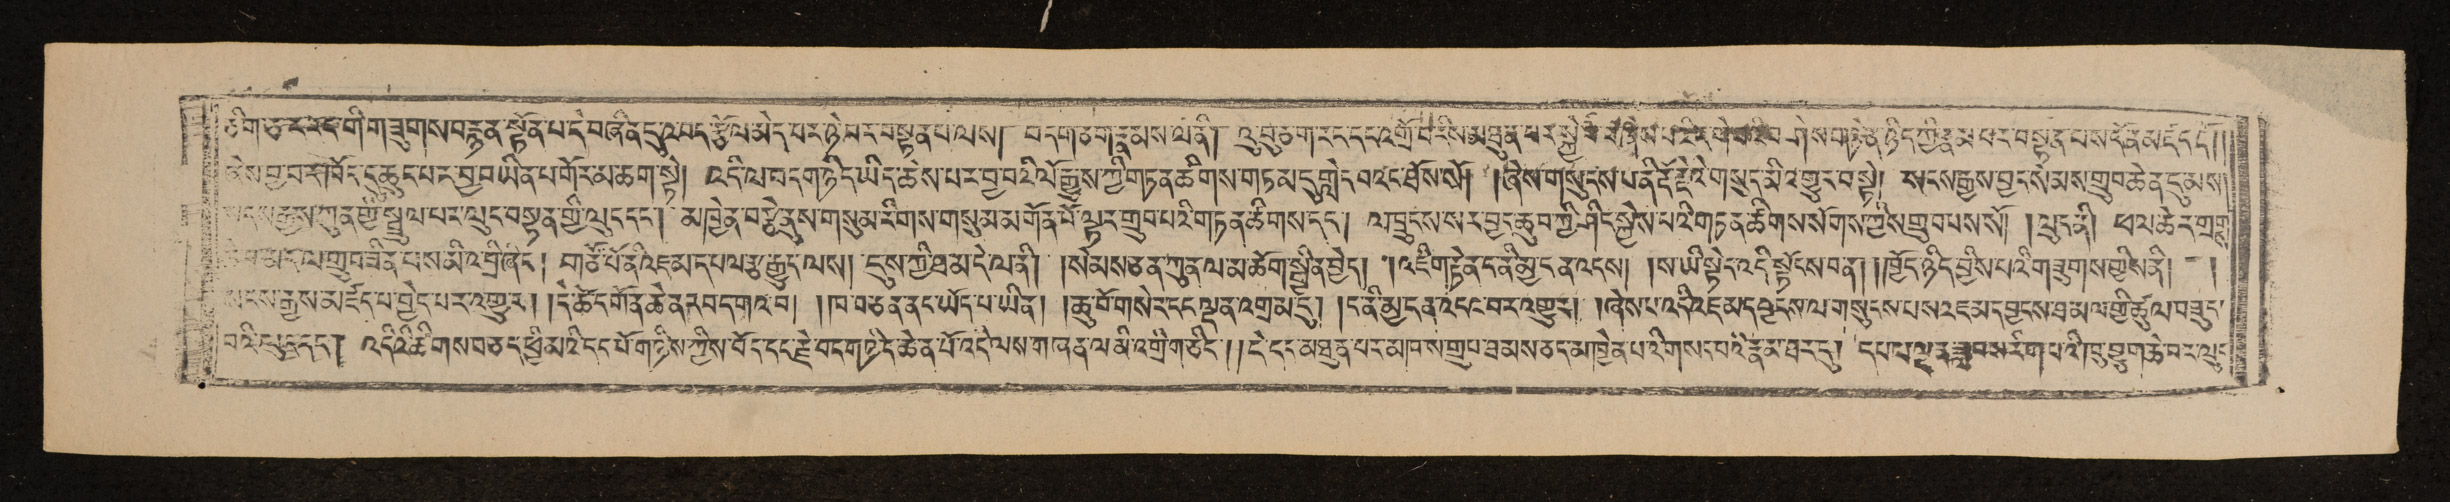ཅིག་ཅར་རང་གི་གཟུགས་བརྙན་སྟོན་པ་དེ་བཞིན་དུ་འབད་རྩོལ་མེད་པར་ཉེ་བར་བསྟན་པ་ལས། བདག་ཅག་རྣམས་ལ་ནི། འུ་བུ་ཅག་རང་དང་འགྲོ་བ་རིས་མཐུན་པར་སྐྱེ་བ་བཞེས་པའི་དགེ་བའི་བཤེས་གཉེན་ཉིད་ཀྱི་རྣམ་པར་བསྟན་པས་དོན་མཛད་དོ།།
ཞེས་བྱ་བར་ཁོང་དུ་ཆུད་པར་བྱ་བ་ཡིན་པ་གོར་མ་ཆག་སྟེ། འདི་ལ་བདག་ཉིད་ཡིད་ཆེས་པར་བྱ་བའི་ལོ་རྒྱུས་ཀྱི་གཏན་ཚིགས་གཏམ་དུ་གླེང་བའང་ཐོས་སོ། །ཞེས་གསུངས་པ་ནི་རྡོ་རྗེའི་གསུང་མི་འགྱུར་བ་སྟེ། སངས་རྒྱས་བྱང་སེམས་གྲུབ་ཆེན་དུ་མས་
སངས་རྒྱས་ཀུན་གྱི་སྤྲུལ་པར་ལུང་བསྟན་གྱི་ལུང་དང་། མཁྱེན་བརྩེ་ནུས་གསུམ་རིགས་གསུམ་མགོན་པོ་ལྟར་གྲུབ་པའི་གཏན་ཚིགས་དང་། འཁྲུངས་སར་བྱང་ཆུབ་ཀྱི་ཤིང་སྐྱེས་བའི་གཏན་ཚིགས་སོགས་ཀྱིས་གྲུབ་པས་སོ། །ལུང་ནི། ཕལ་ཆེར་གྲགས་
ཆེ་བ་མངལ་གྲུབ་ཟིན་པས་མི་འབྲི་ཞིང་། གཙོ་བོ་ནི་འཇམ་དཔལ་རྩ་རྒྱུད་ལས། དུས་ཀྱི་ཐ་མ་དེ་ལ་ནི། །སེམས་ཅན་ཀུན་ལ་མཆོག་སྦྱིན་བྱེད། །འཇིག་རྟེན་ང་ནི་མྱ་ངན་འདས། །ས་ཡི་སྟེང་འདི་སྟོངས་པ་ན། །ཁྱོད་ཉིད་བྱིས་པའི་གཟུགས་ཀྱིས་ནི། །
སངས་རྒྱས་མཛད་པ་བྱེད་པར་འགྱུར། །དེ་ཚེ་དགོན་ཆེན་རབ་དགའ་བ། །ཁ་བ་ཅན་ནང་ཡོད་པ་ཡིན། །ཆུ་བོ་གསེར་དང་ལྡན་འགྲམ་དུ། །ང་ནི་མྱ་ངན་འདའ་བར་འགྱུར། །ཞེས་པ་འདི་འཇམ་དབྱངས་ལ་གསུངས་པས་འཇམ་དབྱངས་ཐ་མལ་གྱི་ཚུལ་བཟུང་
བའི་ལུང་དང་། འདིའི་ཚིགས་བཅད་ཕྱི་མའི་དང་པོ་གཉིས་ཀྱིས་བོད་དང་རྗེ་བདག་ཉིད་ཆེན་པོ་འདི་ལས་གཞན་ལ་མི་འགྲིག་ཅིང་། དེ་དང་མཐུན་པར་མཁས་གྲུབ་ཐམས་ཅད་མཁྱེན་པའི་གསང་བའི་རྣམ་ཐར་དུ། དཔལ་ལྡན་ཟླ་བས་རིག་པའི་ཁྲ་བྱུག་ཆེ་བར་ལུང་